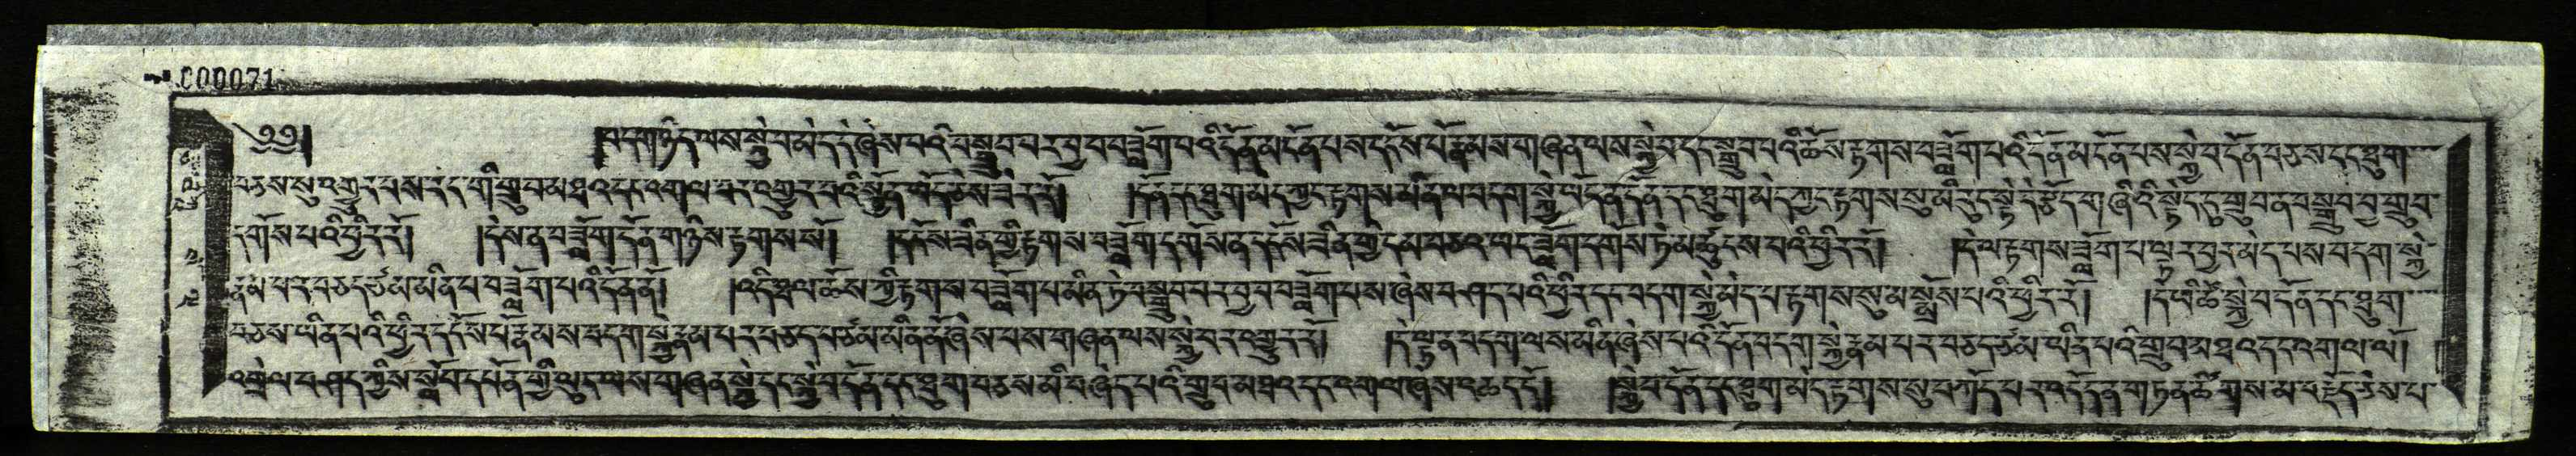༄༅། །བདག་ཉིད་ལས་སྐྱེ་བ་མེད་དེ་ཞེས་པའི་བསྒྲུབ་པར་བྱ་བ་བཟློག་པའི་དོན་མངོན་པས་དངོས་པོ་རྣམས་གཞན་ལས་སྐྱེ་བ་དང་སྒྲུབ་པའི་ཆོས་རྟགས་བཟློག་པའི་དོན་མངོན་པས་སྐྱེ་བ་དོན་བཅས་དང་ཐུག་
བཅས་སུ་འགྱུར་བས་རང་གི་གྲུབ་མཐའ་དང་འགལ་བར་འགྱུར་བའི་སྟོན་ཡོད་ཅེས་ཟེར་རོ། །དོན་དང་ཐུག་མེད་ཀྱང་རྟགས་མོན་ལ་བདག་སྐྱེ་ཡོད་ན་དོན་དང་ཐུག་མེད་ཀྱང་རྟགས་སུ་མི་རུང་སྟེ་དེ་རྩོད་གཞིའི་སྟེང་དུ་གྲུབ་ན་བསྒྲུབ་བྱ་གྲུབ་
དགོས་པའི་ཕྱིར་རོ། །དེས་ན་བཟློག་དོན་གཉིས་རྟགས་སོ། །དངོས་ཟིན་གྱི་རྟགས་བཟློག་དགོས་ན་དངོས་ཟིན་གྱི་དམ་བཅའ་ཡང་ཟློག་དགོས་ཏེ་མཚུངས་པའི་ཕྱིར་རོ། །དེ་ལ་རྟགས་ཟློག་པ་ལྟར་བྱར་མེད་པས་བདག་སྐྱེ་
རྣམ་པར་བཅད་ཙམ་མིན་པ་བཟློག་པའི་དོན་ནོ། །འདི་ཐལ་ཆོས་ཀྱི་རྟགས་བཟློག་པ་མིན་ཏེ་བསྒྲུབ་པར་བྱ་བ་བཟློག་པས་ཞེས་བཤད་པའི་ཕྱིར་དང་བདག་སྐྱེ་མེད་པ་རྟགས་སུ་མ་སྨྲོས་པའི་ཕྱིར་རོ། །དེ་ཡི་ཚེ་སྐྱེ་བ་དོན་དང་ཐུག་
བཅས་ཡིན་པའི་ཕྱིར་དངོས་པོ་རྣམས་བདག་སྐྱེ་རྣམ་པར་བཅད་པ་ཙམ་མིན་ནོ་ཞེས་པས་གཞན་ལས་སྐྱེ་བར་འགྱུར་རོ། །དེ་ལྟ་ན་བདག་ལས་མིན་ཞེས་པའི་དོན་བདག་སྐྱེ་རྣམ་པར་བཅད་ཙམ་ཡིན་པའི་གྲུབ་མཐའ་དང་འགལ་ལོ། །
འགྲེལ་བཤད་ཀྱིས་སློབ་དཔོན་གྱི་ལུང་ལས་གཞན་སྐྱེ་དང་སྐྱེ་བ་དོན་དང་ཐུག་བཅས་མི་བཞེད་པའི་གྲུབ་མཐའ་དང་འགལ་ཞེས་འཆད་དོ། །སྐྱེ་བ་དོན་དང་ཐུག་མེད་རྟགས་སུ་བཀོད་པར་འདོད་ན་གཏན་ཚིགས་མ་བརྗོད་ཅེས་པ་